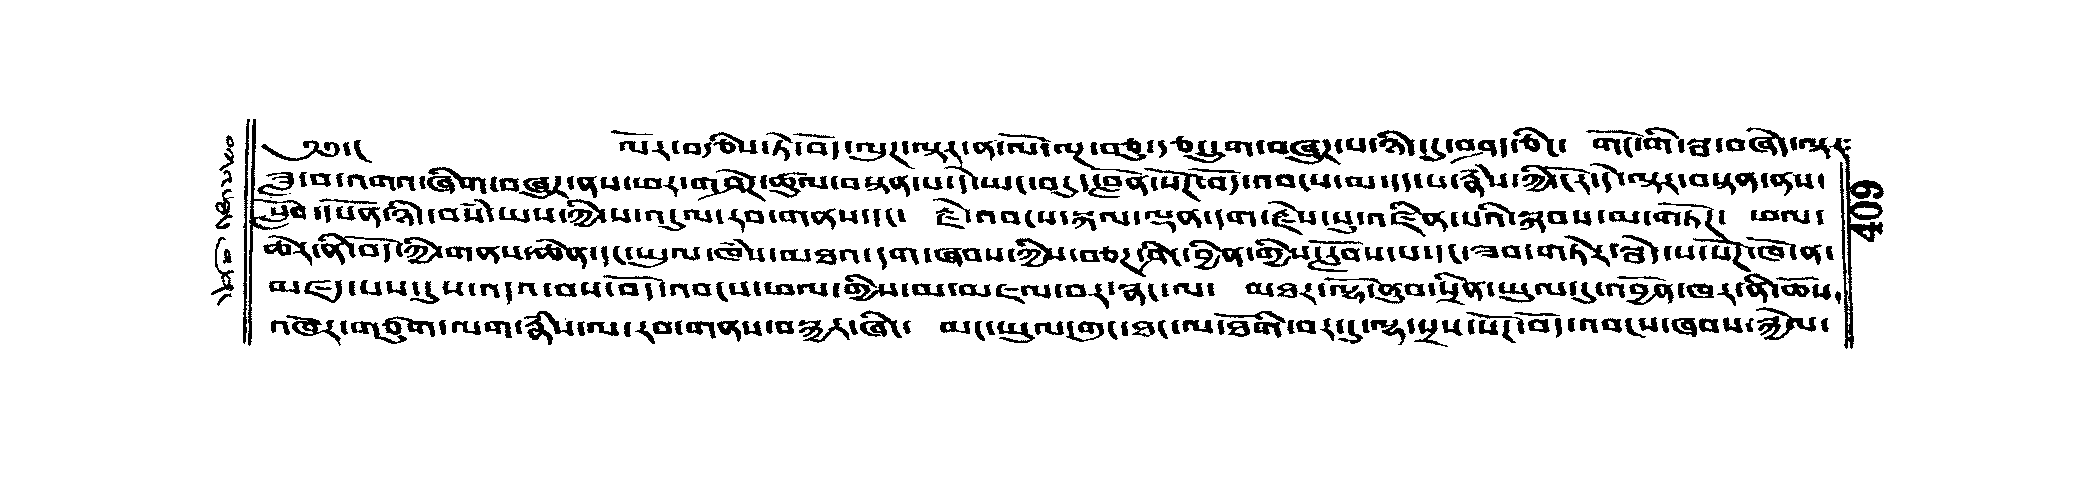ལོར་བརྩིས་ཏེ་བོད་ལུགས་ལྟར་ན་ལོ་ལྔ་བཅུ་རྩ་དྲུག་བཞུགས་པ་ཉིད་དུ་བཤད་ཅིང་། གོང་གི་སྦ་བཞེད་ལྟར་
ཟླ་བ་འགའ་ཞིག་བཞུགས་ནས་ཕར་གཤེགས་ཚུལ་བསྟན་པ་དེ་ཡང་བདུད་བློན་སོགས་བོད་འབངས་མ་དད་པ་རྣམས་ཀྱི་ངོར་དེ་ལྟར་བསྟན་ནས་
སློབ་དཔོན་ཉིད་བསམ་ཡས་ཀྱི་ས་འདུལ་རབ་གནས་དང་། རྗེ་འབངས་སྐལ་ལྡན་དག་རྗེས་སུ་འཛིན་པའི་སྐབས་མ་གཏོགས། ཕལ་
ཆེར་ནི་བོད་ཀྱི་གནས་ཆེན་དང་ཡུལ་ཁམས་མཐའ་དག་ཞབས་ཀྱིས་བཅགས་ཤིང་བྱིན་གྱིས་རློབ་པ་དང་ཟབ་གཏེར་སྦེད་པ་སོགས་ཁོ་ན་
མཛད་པས་དུས་འདའ་བས་བོད་འབངས་ཕལ་གྱིས་མ་མཇལ་བར་སྣང་ལ།མཐར་ལྷོ་ནུབ་སྲིན་ཡུལ་དུ་འབྱོན་ཁར་ནི་ཆོས་
འཁོར་གཙུག་ལག་རྣམས་ལ་རབ་གནས་བསྐྱར་ཞིང་། མང་ཡུལ་གུང་ཐང་ལ་ཐོག་གི་བར་དུ་ལྷ་སྲས་སོགས་བོད་འབངས་ཞབས་སྐྱེལ་